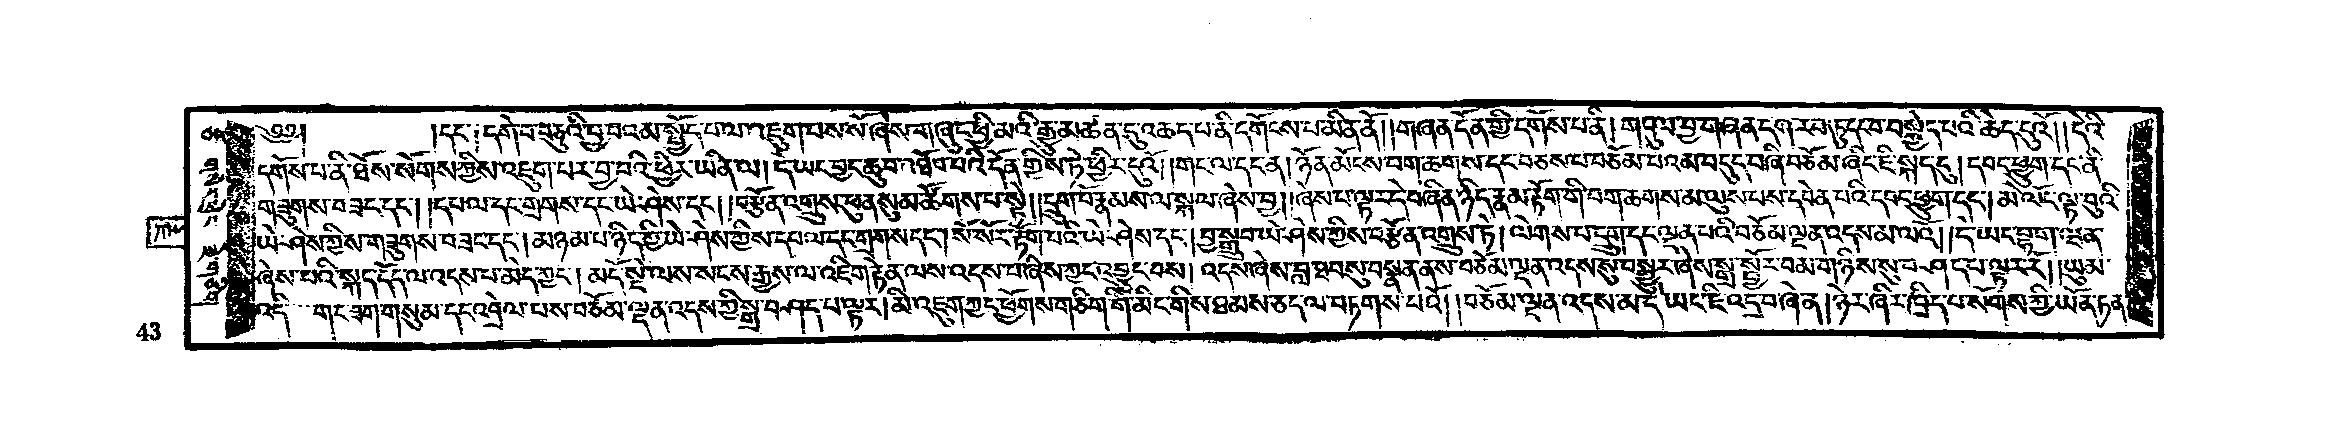༄༅། །དང་། དགེ་བ་བཅུའི་བྱ་བའམ་སྤྱོད་པ་ལ་འཇུག་པས་སོ་ཞེས་གཞུང་ཕྱི་མའི་རྒྱུ་མཚན་དུ་འཆད་པ་ནི་དགོངས་པ་མིན་ནོ། །གཞན་དོན་གྱི་དགོས་པ་ནི། གདུལ་བྱ་གཞན་དག་རབ་ཏུ་དང་བ་བསྐྱེད་པའི་ཆེད་དུའོ། །དེའི་
དགོས་པ་ནི་ཐོས་སོགས་ཀྱིས་འཇུག་པར་བྱ་བའི་ཕྱིར་ཡིན་ལ། དེ་ཡང་བྱང་ཆུབ་འཐོབ་པའི་དོན་གྱིས་ཏེ་ཕྱིར་དུའོ། །གང་ལ་དང་ན། ཉོན་མོངས་བག་ཆགས་དང་བཅས་པ་བཅོམ་པའམ་བདུད་བཞི་བཅོམ་ཞིང་ཇི་སྐད་དུ། དབང་ཕྱུག་དང་ནི་
གཟུགས་བཟང་དང་། །དཔལ་དང་གྲགས་དང་ཡེ་ཤེས་དང་། །བརྩོན་འགྲུས་ཕུན་སུམ་ཚོགས་པ་སྟེ། །དྲུག་པོ་རྣམས་ལ་སྐལ་ཞེས་བྱ། །ཞེས་པ་ལྟར་དེ་བཞིན་ཉིད་རྣམ་རྟོག་གི་བག་ཆགས་མ་ལུས་པས་དབེན་པའི་དབང་ཕྱུག་དང་། མེ་ལོང་ལྟ་བུའི་
ཡེ་ཤེས་ཀྱིས་གཟུགས་བཟང་དང་། མཉམ་པ་ཉིད་ཀྱི་ཡེ་ཤེས་ཀྱིས་དཔལ་དང་གྲགས་དང་། སོ་སོར་རྟོག་པའི་ཡེ་ཤེས་དང་། བྱ་སྒྲུབ་ཡེ་ཤེས་ཀྱིས་བརྩོན་འགྲུས་ཏེ། ལེགས་པ་དྲུག་དང་ལྡན་པའི་བཅོམ་ལྡན་འདས་མ་ལའོ། །དེ་ཡང་བྷ་ག་ཝན་
ཞེས་པའི་སྐད་དོད་ལ་འངས་པ་མེད་ཀྱང་། མདོ་སྡེ་ལས་སངས་རྒྱས་ལ་འཇིག་རྟེན་ལས་འདས་ཞེས་ཀྱང་འབྱུང་བས། འདས་ཞེས་བླ་ཐབས་སུ་བསྣན་ནས་བཅོམ་ལྡན་འདས་སུ་བསྒྱུར་ཞེས་སྒྲ་སྦྱོར་བམ་གཉིས་སུ་བཤད་པ་ལྟར་རོ། །ཡུམ་
འདི་གང་ཟག་གསུམ་དང་འབྲེལ་པས་བཅོམ་ལྡན་འདས་ཀྱི་སྒྲ་བཤད་པ་ལྟར། མི་འཇུག་ཀྱང་ཕྱོགས་གཅིག་གི་མིང་གིས་ཐམས་ཅད་ལ་བཏགས་པའོ། །བཅོམ་ལྡན་འདས་མ་དེ་ཡང་ཇི་འདྲ་བ་ཞེ་ན། ཉེར་ཞིར་ཁྲིད་པ་སོགས་ཀྱི་ཡོན་ཏན་